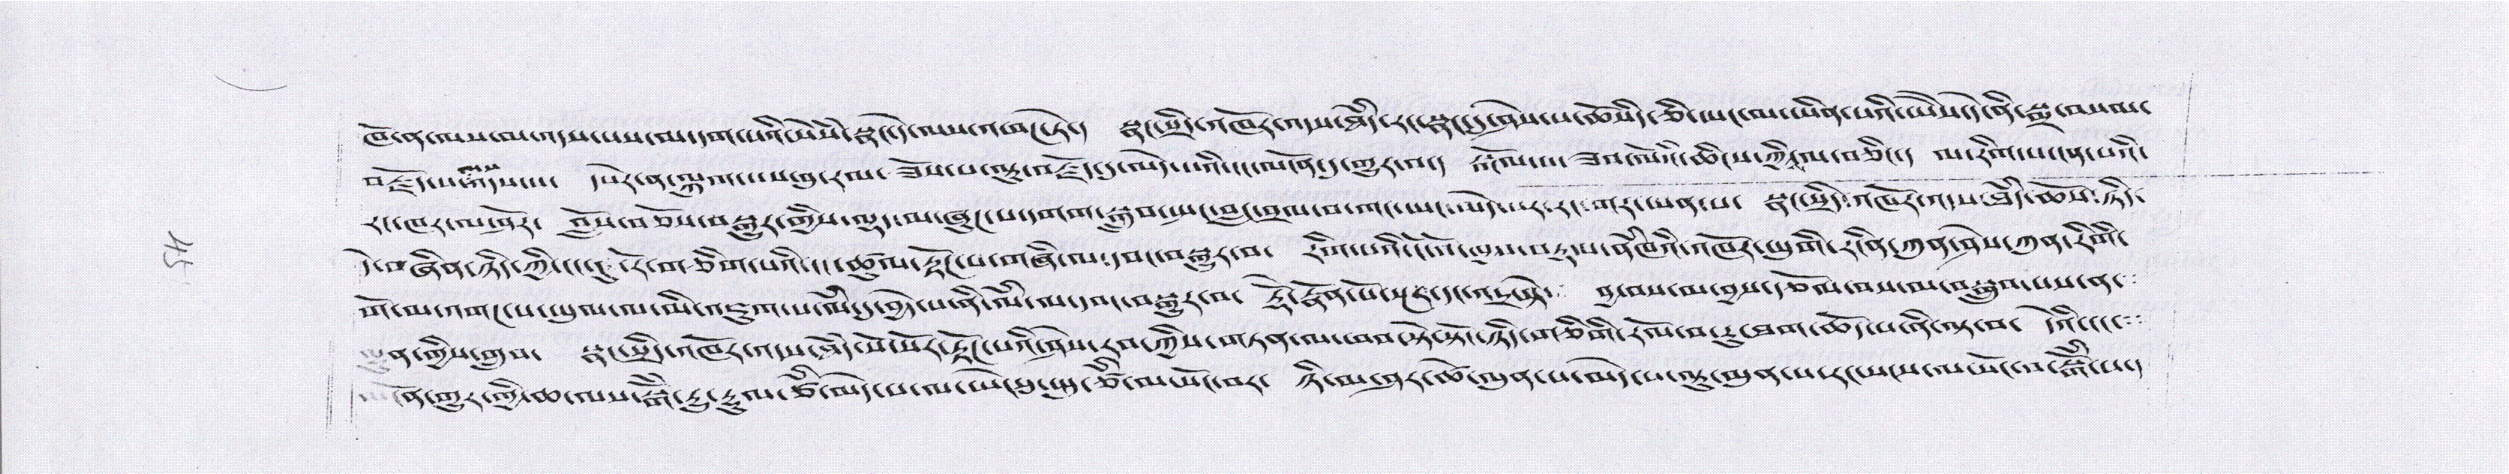ཁོ་ན་ལས་མ་འདས་པས་མ་དག་པའི་སེམས་སྣང་དེ་ལས་འཕགས་ཏེ། སྣང་སྲིད་འཁོར་འདས་ཐམས་ཅད་རང་སྣང་དུ་ཤེས་པ་ཆོས་ཉིད་ཅི་ཡང་མ་ཡིན་པའི་ཡེ་ཤེས་དེ་ནི་སྨྲ་བསམ་
བརྗོད་པ་ལས་འདས་པ། དཔེར་ན་ལྐུགས་པས་བུ་རམ་ཟོས་པ་ལྟ་བུ་བརྗོད་དུ་མེད་པའི་ངང་མངོན་དུ་གྱུར་པ། སྒོམ་པ་ཟབ་མོའི་ཆིངས་ཀྱིས་མ་བཅིངས། མ་རིག་པ་ངན་པའི་
རང་ཁར་མ་ཤོར། བློས་བཅོས་སྒྱུར་གྱིས་ལྷད་མ་ཞུགས་པ་དགག་སྒྲུབ་སྤང་བླང་བྲལ་བ་གང་ཡང་རང་གར་ཡན་པ། སྣང་སྲིད་འཁོར་འདས་ཐམས་ཅད་ཆོས་ཉིད་
དེ་བཞིན་ཉིད་ཀྱི་ངང་དུ་རོ་གཅིག་པའི་ངང་ཚུལ་རྟོགས་པ་གཞི་ལ་དབང་སྒྱུར་བ། རིག་པའི་ངོ་བོ་ཁྱབ་བརྡལ་ནམ་མཁའི་ཁོར་ཡུག་གི་རང་བཞིན་ཀུན་ཤེས་རིག་གི་
གོ་མ་འགག་པ་ཡུལ་ལ་མི་འཇུག་པ་ལམ་དུ་བྱེད་པ་ནི་ལམ་ལ་དབང་བསྒྱུར་བ། རྡོ་རྗེ་རྣོན་པོ་སྔར་དང་འདྲ་སྟེ། བྱ་བས་མ་བྱས་རྩོལ་བས་མ་བསྒྲུབས་པས་ན་
ལྷུན་གྱིས་གྲུབ། སྣང་སྲིད་འཁོར་འདས་ཐམས་ཅད་སོ་སོིར་རྟོགས་པའི་ཤེས་རབ་ཀྱིས་གཏན་ལ་ཕབ་སྟེ་སྟོང་ཉིད་གཅིག་གི་རོལ་པ་རུ་ཐག་ཆོད་པ་ནི་ལྟ་བ། དེའི་ངང་
མངོན་གྱུར་གྱི་ཆ་ལ་བསྒོམ་རྒྱུ་རྡུལ་ཙམ་མེད་པ་ལ་ཡེངས་སུ་སྤུ་ཙམ་མ་སོང་བར། ཉི་མ་ཤར་ཚེ་མུན་པ་མེད་པ་ལྟ་བུ་མུན་པ་རང་སངས་ལ་སོང་བ་སྒོམ་པ་